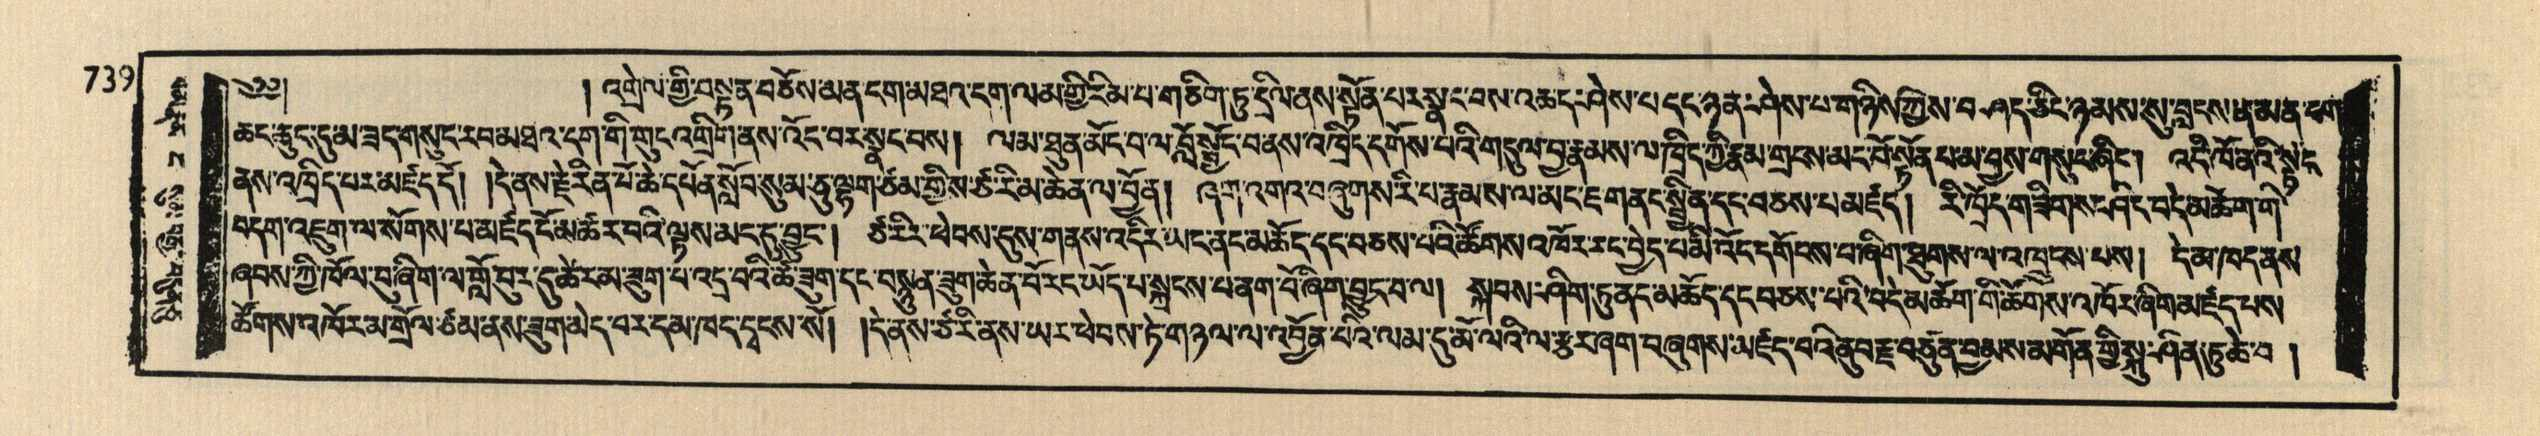༄༅། །འགྲེལ་གྱི་བསྟན་བཅོས་མན་ངག་མཐའ་དག་ལམ་གྱི་རིམ་པ་གཅིག་ཏུ་དྲིལ་ནས་སྟོན་པར་སྣང་པས་འཆད་ཤེས་པ་དང་ཉན་ཤེས་པ་གཉིས་ཀྱིས་བཤད་ཅིང་ཉམས་སུ་བླངས་ན་མན་ངག་
ཆང་ཆུང་དུ་མ་ཟད་གསུང་རབ་མཐའ་དག་གི་གུང་འགྲིག་ནས་འོང་བར་སྣང་བས། ལམ་ཐུན་མོང་བ་ལ་བློ་སྦྱོང་བ་ནས་འཁྲིད་དགོས་པའི་གདུལ་བྱ་རྣམས་ལ་ཁྲིད་ཀྱི་རྣམ་གྲངས་མང་པོ་སྟོན་པ་མ་བྱས་གསུང་ཞིང་། འདི་ཁོ་ནའི་སྟོང་
ནས་འཁྲིད་པར་མཛད་དོ། །དེ་ནས་རྗེ་རིན་པོ་ཆེ་དཔོན་སློབ་སུམ་ཅུ་ལྷག་ཙམ་གྱིས་རྩ་རི་མ་ཆེན་ལ་བྱོན། ཞག་འགའ་བཞུགས་རི་པ་རྣམས་ལ་མང་ཇ་གནང་སྦྱིན་དང་བཅས་པ་མཛད། རི་ཁྲོད་གཟིགས་ཤིང་བདེ་མཆོག་གི་
བདག་འཇུག་ལ་སོགས་པ་མཛད་ངོ་མཚར་བའི་ལྟས་མང་དུ་བྱུང་། ཙ་རིར་ཕེབས་དུས་གནས་འདིར་ཡང་ནང་མཆོད་དང་བཅས་པའི་ཚོགས་འཁོར་རང་བྱེད་པ་མི་འོང་དགོངས་བ་ཞིག་ཐུགས་ལ་འཁྲུངས་པས། དེ་མ་ཁད་ནས་
ཞབས་ཀྱི་ཁོལ་བུ་ཞིག་ལ་གློ་བུར་དུ་ཚེ་རམ་ཟུག་པ་འདྲ་བའི་ཚ་ཟུག་དང་བསྙུན་ཟུག་ཆེན་བོ་རང་ཡོད་པ་སྐྲངས་པ་ནག་པོ་ཞིག་བྱུང་བ་ལ། སྐབས་ཤིག་ཏུ་ནང་མཆོད་དང་བཅས་པའི་བདེ་མཆོག་གི་ཚོགས་འཁོར་ཞིག་མཛད་པས་
ཚོགས་འཁོར་མ་གྲོལ་ཙམ་ནས་ཟུག་མེད་བར་དམ་ཁད་དྭངས་སོ། །དེ་ནས་ཙ་རི་ནས་ཡར་ཕེབས་ཏེ་གཉལ་ལ་འབྱོན་པའི་ལམ་དུ་མོ་ལའི་རྩར་ཞག་བཞུགས་མཛད་བའི་ནུབ་རྗ་བཙུན་བྱམས་མགོན་གྱི་སྐུ་ཤིན་ཏུ་ཆེ་བ།